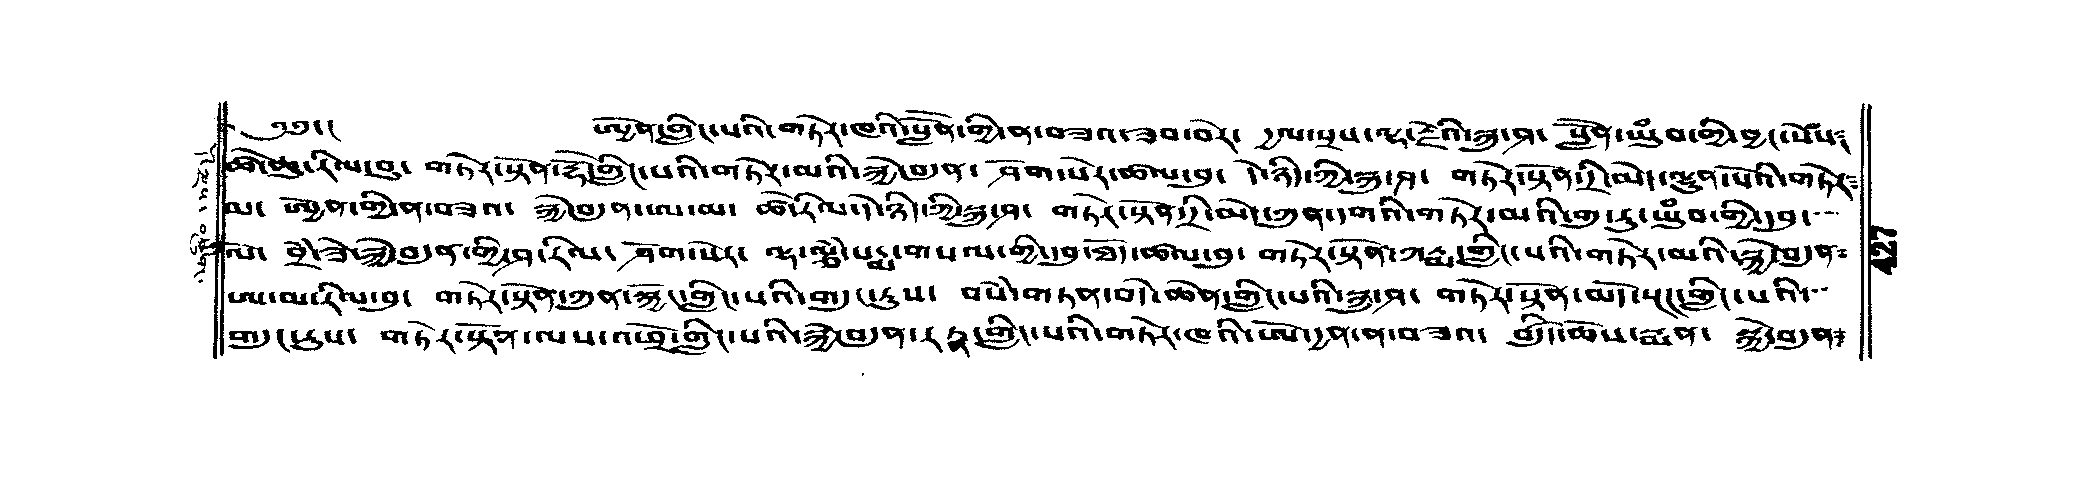ཨོ་རྒྱན་གླིང་པའི་གཏེར་ཁའི་སློབ་དཔོན་གྱི་ན་བཟའ་ཟབ་བེར། རྒྱལ་སྲས་ལྷ་རྗེའི་སྐུ་ཤ། སློབ་དཔོན་ཡབ་ཡུམ་གྱི་བྱང་སེམས་
ཚེ་ཆུ་རིལ་བུ། གཏེར་སྟོན་རྡོ་རྗེ་གླིང་པའི་གཏེར་མའི་སྐྱེ་བདུན། ཤོག་སེར་ཚལ་བུ། དེ་ཉིད་ཀྱི་སྐུ་ཤ། གཏེར་སྟོན་དྲི་མེད་ལྷུན་པོའི་གཏེར་
མ། ཨོ་རྒྱན་གྱི་ན་བཟའ། སྐྱེ་བདུན་ཨ་མ། ཚེ་རིལ། དེ་ཉིད་ཀྱི་སྐུ་ཤ། གཏེར་སྟོན་དྲི་མེད་ཀུན་དགའི་གཏེར་མའི་གུ་རུ་ཡབ་ཡུམ་གྱི་དབུ་
ལོ། བྲམ་ཟེ་སྐྱེ་བདུན་གྱི་ཤ་རིལ། ཤོག་སེར། ལྷ་ལྕམ་པདྨ་གསལ་གྱི་དབུ་ཐོད་ཚལ་བུ། གཏེར་སྟོན་ཀརྨ་གླིང་པའི་གཏེར་མའི་སྐྱེ་བདུན། 
ཨ་ཐམ་རིལ་བུ། གཏེར་སྟོན་ཀུན་སྐྱོང་གླིང་པའི་གདུང་རུས། བསམ་གཏན་བདེ་ཆེན་གླིང་པའི་སྐུ་ཤ། གཏེར་སྟོན་མདོ་སྔགས་གླིང་པའི་
གདུང་རུས། གཏེར་སྟོན་ལས་འཕྲོ་གླིང་པའི་སྐྱེ་བདུན། རཏྣ་གླིང་པའི་གཏེར་ཁའི་ཨོ་རྒྱན་ན་བཟའ། བདུད་རྩི་ཆོས་སྨན། སྐྱེ་བདུན་